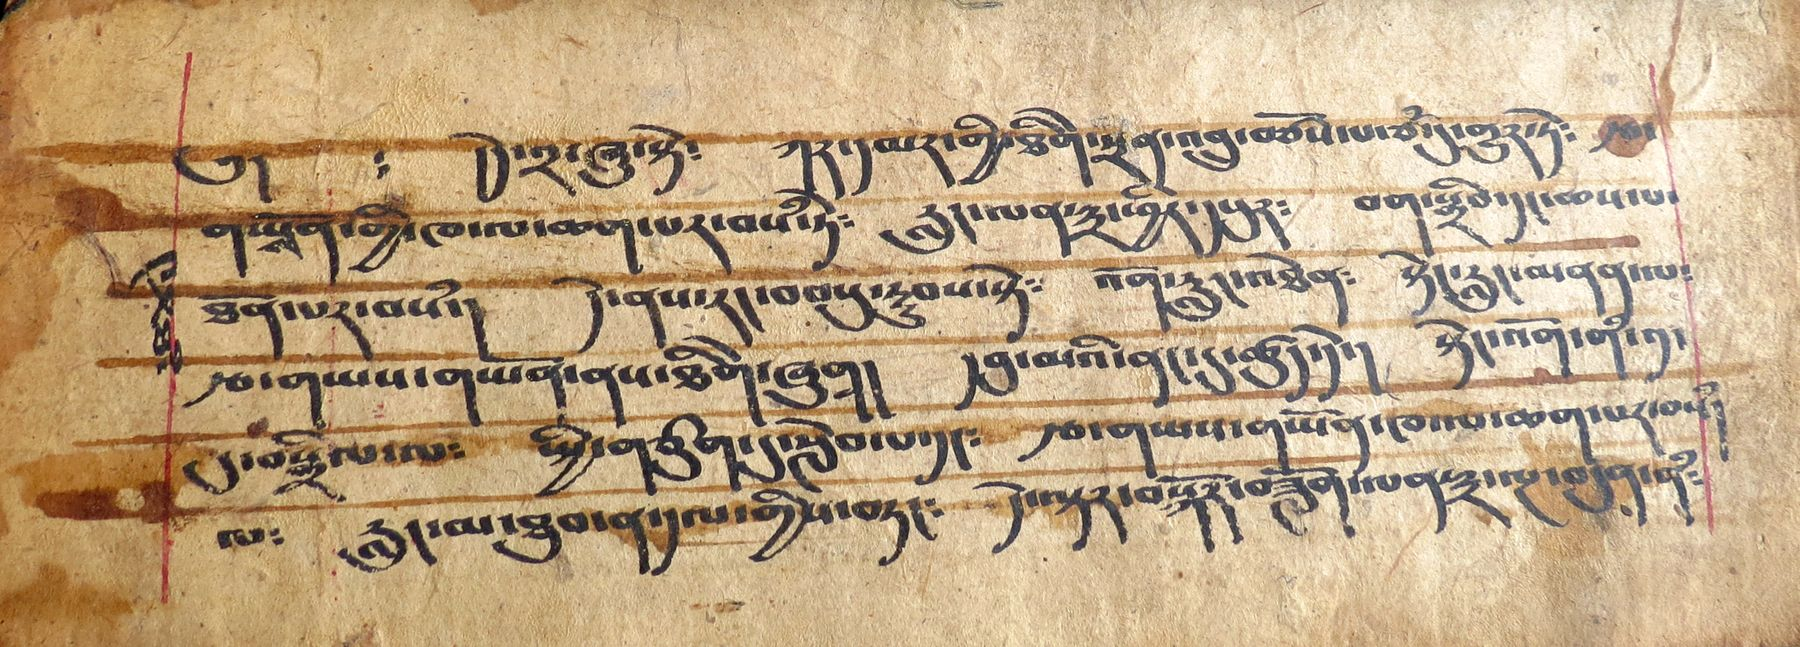དེ་གཉིས་ཞུ་བས། དཀར་དམར་གྱི་ཐིག་ལེ་སྲན་འབྲུ་བཙོས་པ་ཙམ་དུ་གྱུར་ཏེ། རྩ་
གཡས་གཡོན་གྱི་ཁ་ལ་ཆགས་པར་བསམ་སྟེ། རླུང་ལན་གསུམ་ཕྱིར་བུས་པས། བག་སྒྲིབ་དང་བཅས་པ་
ཐོན་པར་བསམ། དེ་ནས་རང་བབས་སུ་རྔུབ་སྟེ། འོག་རླུང་འཐེན། སྟེང་རླུང་མནན་ལ། 
རྩ་གཡས་གཡོན་གྱི་ཐིག་ལེ་ཞུགས། དབུ་མའི་ནང་དུ་ཚུད་དེ། སྟེང་འོག་གམ་གཅིག་
ཏུ་བསྒྲིལ་ལ། སྤྱི་གཙུག་ཏུ་སླེབས་པ་དང་། རྩ་གཡས་གཡོན་གྱི་ཁ་ལ་ཆགས་པར་བསམ་
ལ། རླུང་མ་ཐུབ་ན་དལ་གྱིས་བཏང་། དེ་ནས་ཡང་ཆུབ་ལ་གོང་ལྟར་སྦྱང་། དེ་ལྟར་སྐོར་ལྡོག་ལན་གསུམ་ལྔ་བདུན་ནམ།